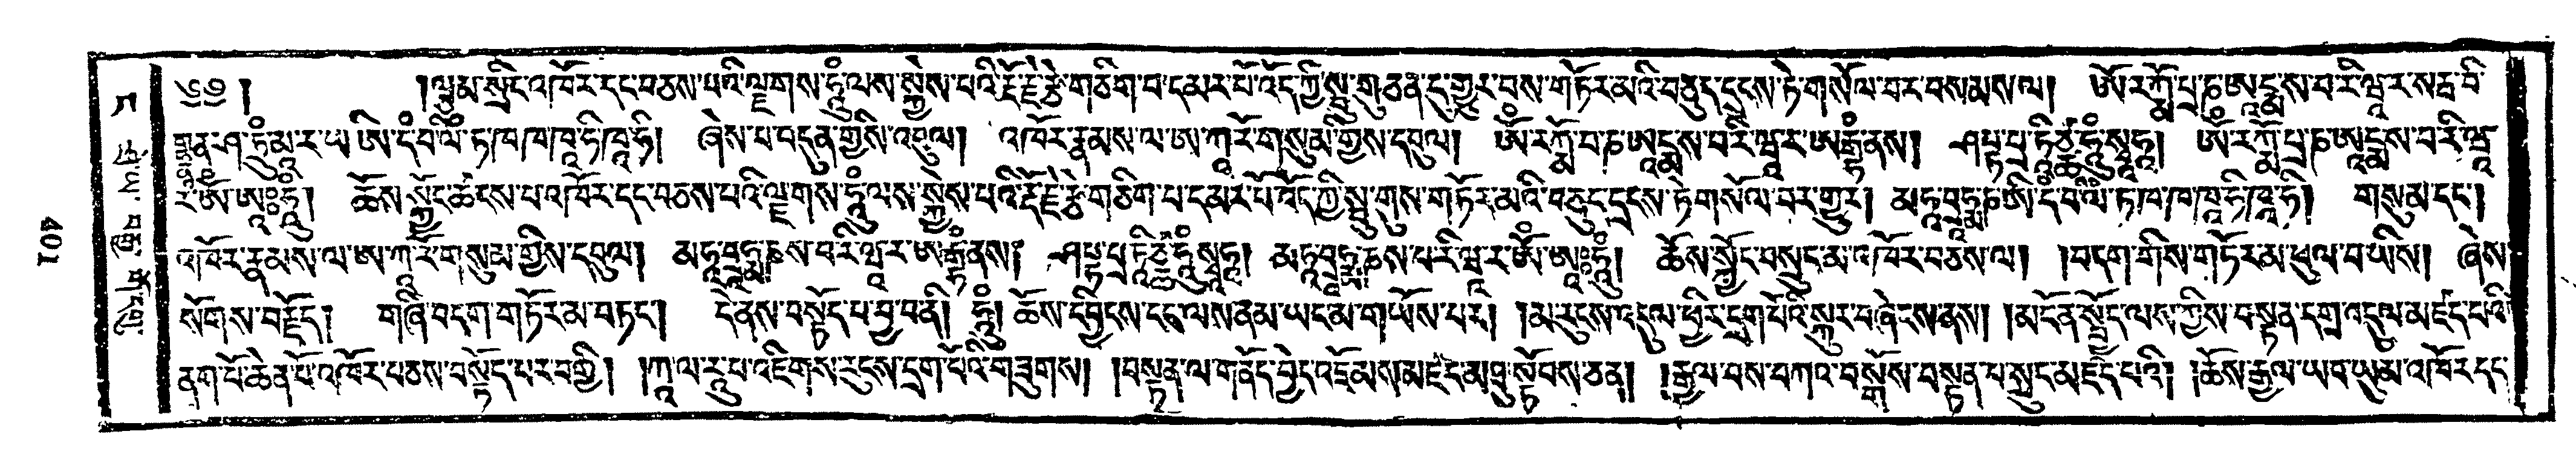༄༅། །ལྕམ་སྲིང་འཁོར་དང་བཅས་པའི་ལྗགས་ཧཱུཾ་ལས་སྐྱེས་པའི་རྡོ་རྗེ་རྩེ་གཅིག་བ་དམར་པོ་འོད་ཀྱི་སྦུ་གུ་ཅན་དུ་གྱུར་བས་གཏོར་མའི་བཅུད་དྲངས་ཏེ་གསོལ་བར་བསམས་ལ། ཨོ་རཀྨོ་པྲ་ཎ་ཨཱངྨ་ས་བ་རི་ཝཱ་ར་སརྦ་བི་
གྷྣཱན་ཤ་ཏྲུཾ་མཱ་ར་ཡ་ཨི་དཾ་བ་ལིཾ་ཏ་ཁ་ཁ་ཁཱ་ཧི་ཁཱ་ཧི། ཞེས་པ་བདུན་གྱིས་འབུལ། འཁོར་རྣམས་ལ་ཨ་ཀཱ་རོ་གསུམ་གྱིས་དབུལ། ཨོཾ་རཀྨོ་བ་ཎ་ཨཱངྨ་ས་བ་རི་ཝཱ་ར་ཨརྒྷཾ་ནས། ཤཔྟ་པྲ་ཏཱིཙྪ་ཧཱུཾ་སྭཱཧཱ། ཨོཾ་རཀྨོ་པྲ་ཎ་ཨཱངྨ་ས་བ་རི་ཝཱ་
ར་ཨོཾ་ཨཱཿཧཱུཾ། ཆོས་སྐྱོང་ཚངས་པ་འཁོར་དང་བཅས་པའི་ལྗགས་ཧཱུཾ་ལས་སྐྱེས་པའི་རྡོ་རྗེ་རྩེ་གཅིག་པ་དམར་པོ་འོད་ཀྱི་སྦུ་གུས་གཏོར་མའི་བཅུད་དྲངས་ཏེ་གསོལ་བར་གྱུར། མ་ཧཱ་བྲཱ་ཧྨ་ཎ་ཨི་དཾ་བ་ལིཾ་ཏ་ཁ་ཁ་ཁཱ་ཧི་ཁཱ་ཧི། གསུམ་དང་།
འཁོར་རྣམས་ལ་ཨ་ཀཱ་རོ་གསུམ་གྱིས་དབུལ། མཧཱ་བྲཱ་ཧྨ་ཎ་ས་བ་རི་ཝཱ་ར་ཨརྒྷཾ་ནས། ཤཔྟ་པྲ་ཏཱིཙྪ་ཧཱུཾ་སྭཱ་ཧཱ། མཧཱ་བྲཱཧྨ་ཎ་ས་པ་རི་ཝཱ་ར་ཨོཾ་ཨཱཿཧཱུཾ། ཆོས་སྐྱོང་བསྲུང་མ་འཁོར་བཅས་ལ། །བདག་གིས་གཏོར་མ་ཕུལ་བ་ཡིས། ཞེས་
སོགས་བརྗོད། གཞི་བདག་གཏོར་མ་བཏང་། དེ་ནས་བསྟོད་པ་བྱ་བ་ནི། ཧཱུཾ། ཆོས་དབྱིངས་ངང་ལས་རྣམ་ཡང་མ་གཡོས་པར། །མ་རུངས་འདུལ་ཕྱིར་དྲག་པོའི་སྐུར་བཞེངས་ནས། །མངོན་སྤྱོད་ལས་ཀྱིས་བསྟན་དགྲ་འདུལ་མཛད་པའི་
ནག་པོ་ཆེན་པོ་འཁོར་བཅས་བསྟོད་པར་བགྱི། །ཀཱ་ལ་རཱུ་པ་འཇིགས་རུངས་དྲག་པོའི་གཟུགས། །བསྟན་ལ་གནོད་བྱེད་འཇོམས་མཛད་མཐུ་སྟོབས་ཅན། །རྒྱལ་བས་བཀའ་བསྒོས་བསྟན་པ་སྲུང་མཛད་པའི། །ཆོས་རྒྱལ་ཡབ་ཡུམ་འཁོར་དད་